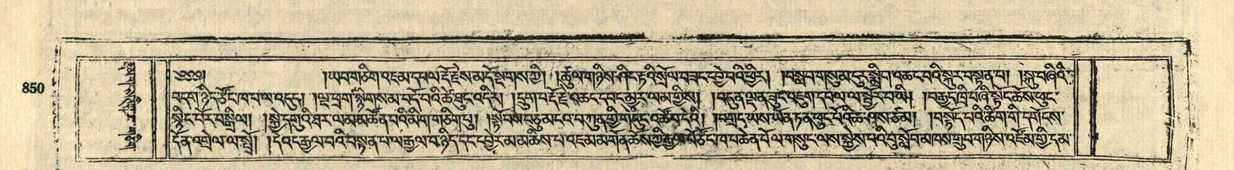༄༅༅། །ཡབ་གཅིག་འཇམ་དཔལ་རྡོ་རྗེས་མདོ་སྔགས་ཀྱི། །ཚུལ་གཉིས་ཤིང་རྟའི་སྲོལ་བཟང་དབྱེ་བའི་ཕྱིར། །བསླབ་གསུམ་དུར་སྨྲིག་འཆང་བའི་སྐུར་བསྟན་པ། །སྐུ་བཞིའི་
བདག་ཉིད་ཙོང་ཁ་པ་ལ་འདུད། །ལྔ་ཕྲག་སྙིགས་མ་བདོ་བའི་ཚེ་ཐུང་འདིར། །དྲུག་པ་རྡོ་རྗེ་འཆང་དབང་མྱུར་ལམ་གྱིས། །བདུན་ལྡན་ཟུང་འཇུག་དཔལ་ལ་སྦྱོར་བ་ཡི། །བརྒྱད་ཁྲི་བཞི་སྟོང་ཆོས་ཕུང་
སྙིང་པོར་བསྒིལ། །སྐྱེ་དགུའི་ཐར་ལམ་མཚོན་བའི་མིག་གཅིག་བུ། །སྟོབས་བཅུ་མངའ་བ་ཀུན་གྱི་གདུང་འཚོམ་དེའི། །བྲང་ཡས་ཡོན་ཏན་ཕུང་པོའི་ཆ་ཤས་ཙ། །བསྟོད་པའི་ཚིག་གི་དགོངས་
དོན་འགྲེལ་ལ་སྦྲོ། །དེའང་རྒྱལ་བའི་བསྟན་པ་ལ་རྒྱལ་བ་ཉིད་དང་དབྱེར་མ་མཚིས་པ་འཇམ་དགོན་ཆོས་ཀྱི་རྒྱལ་པོ་ཙོང་ཁ་པ་ཆེན་པོ་ལ་གསུང་ལས་སྐྱེས་བའི་བུ་སློབ་མཁས་གྲུབ་གཉིས་འཛོམ་གྱི་དམ་